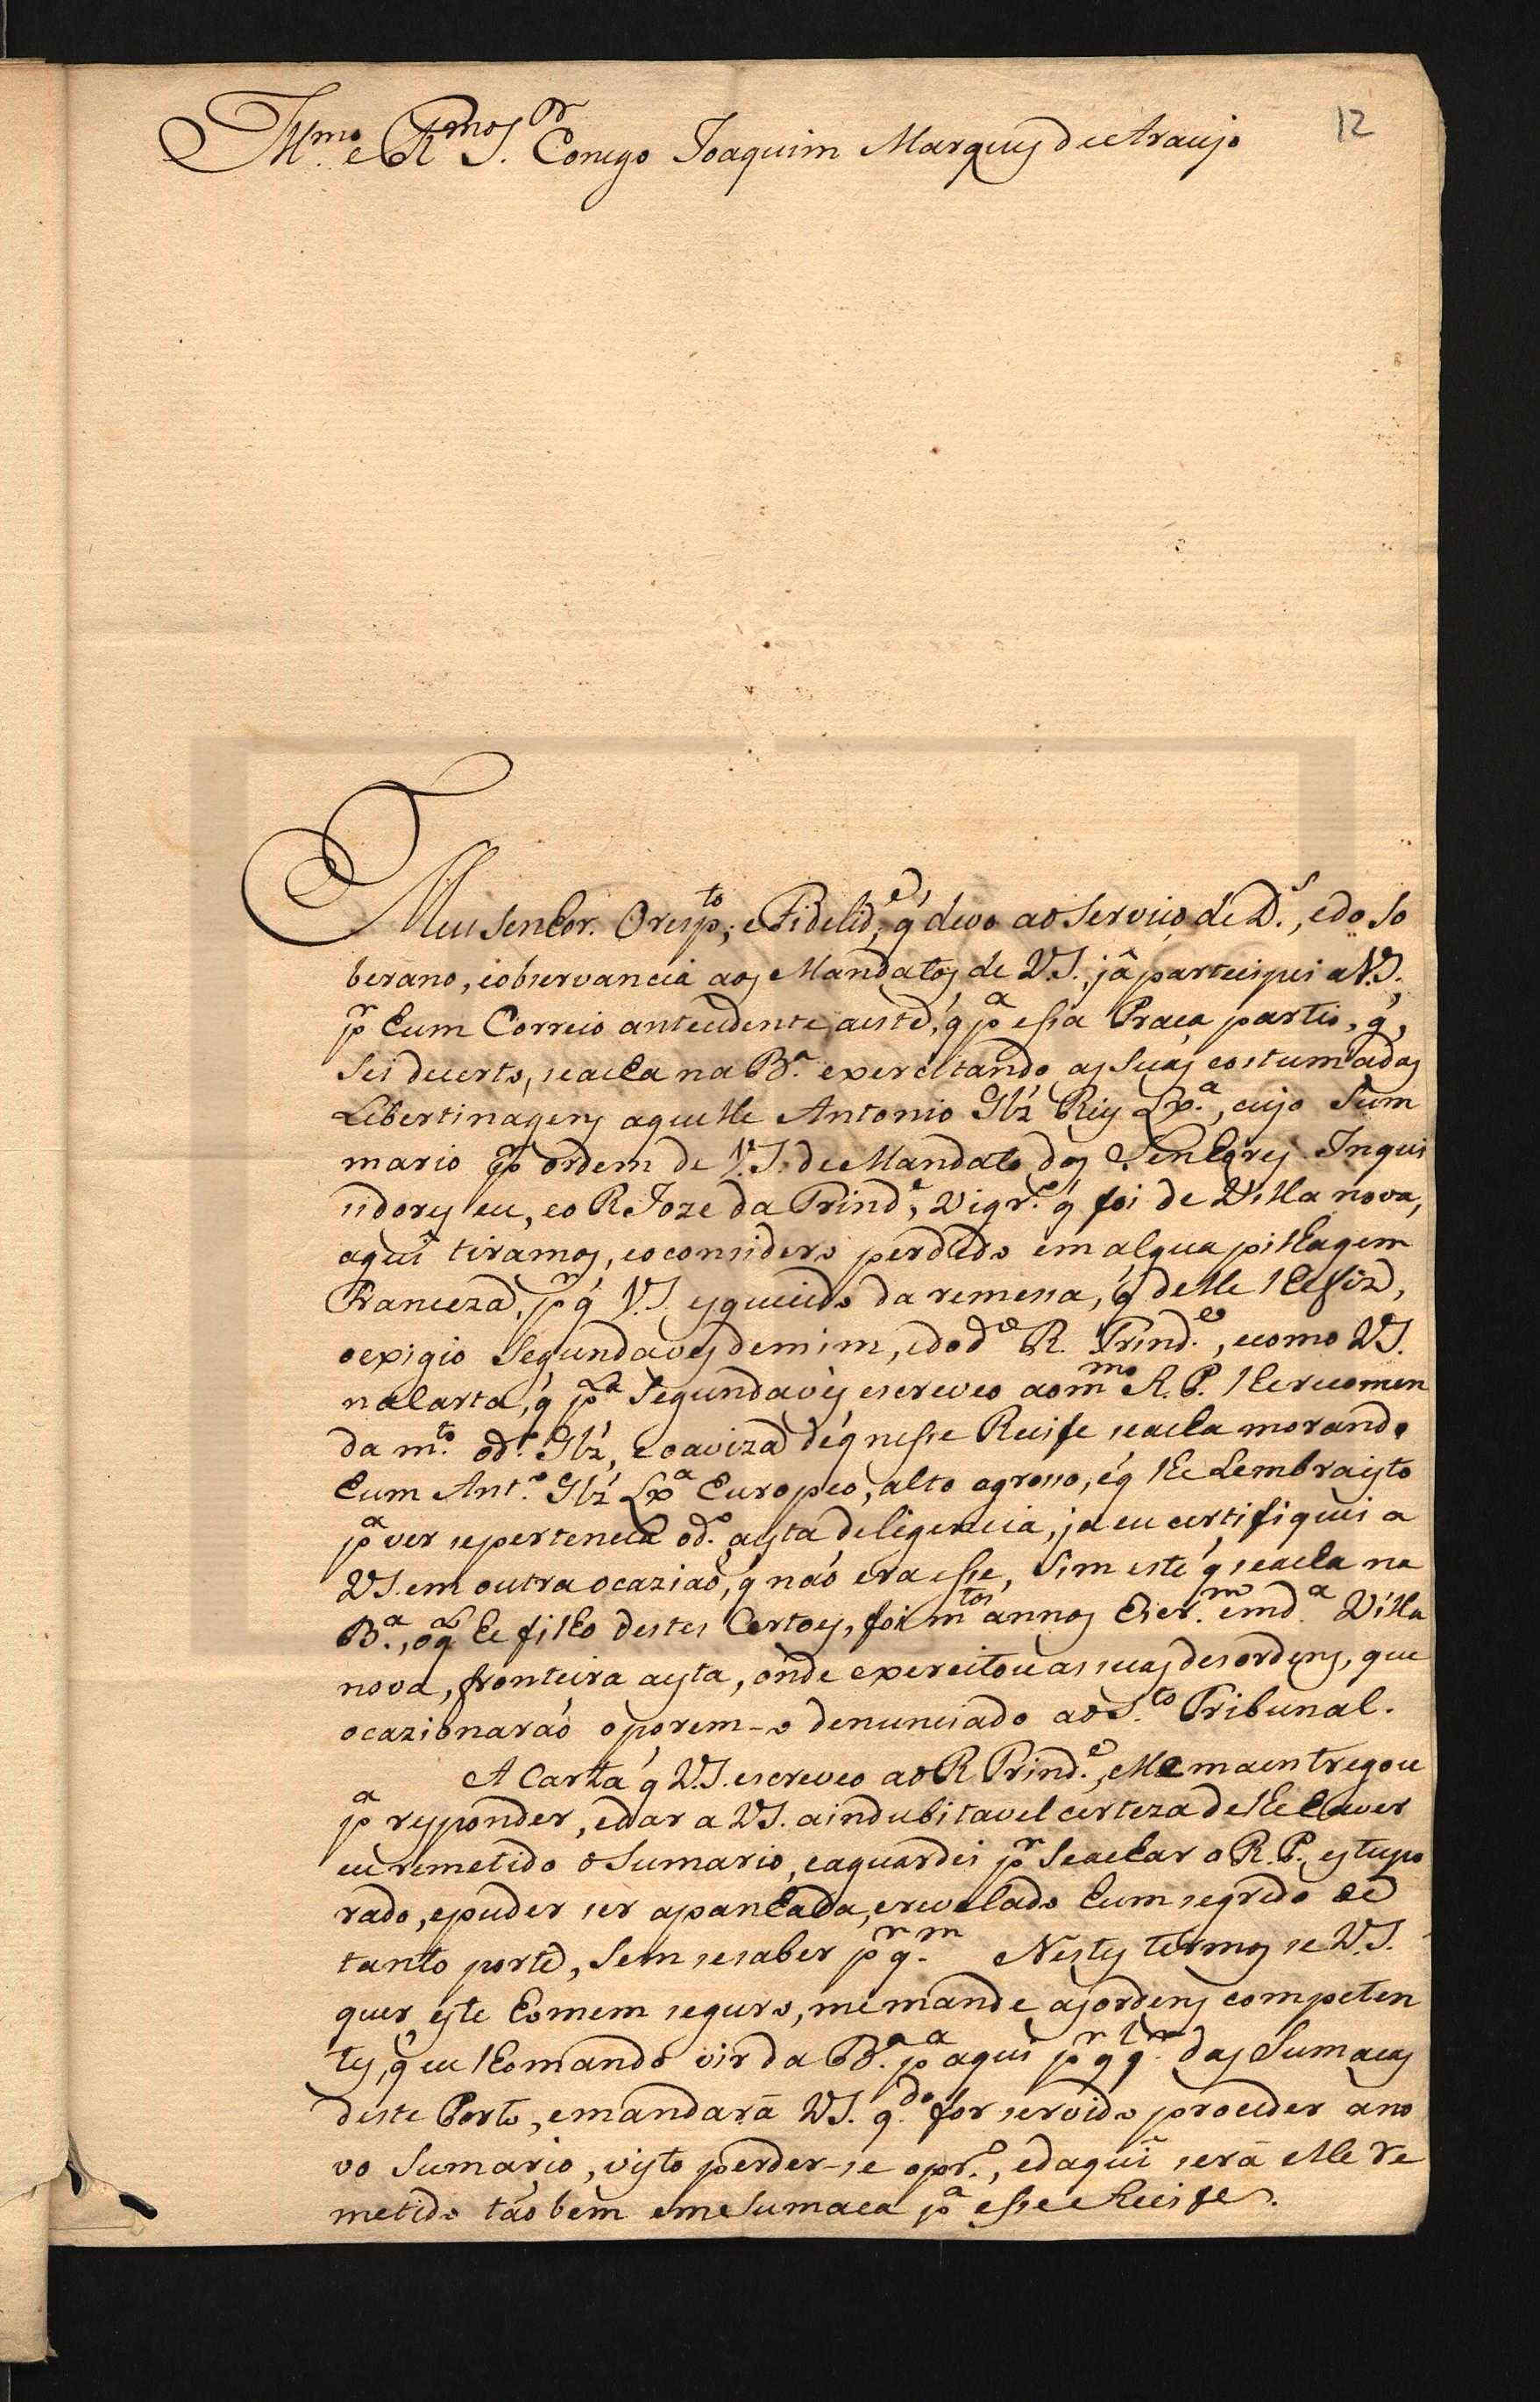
Ill.mo e R.mo S.or Conego Ioaquim Marques de Araujo
Meu Senhor. O resp.to; e Fidelid;e q̄ devo ao Serviço de D.s, e do So
berano, e observancia aos Mandatos de V.S. já partecipei a V.S.
p.r hum Correio antecedente a este, q̄ p.a essa Praça partio, q̄,
Sei decerto, se acha na B.a exercitando as suas costumadas
Libertinagens aquelle Antonio Glz̄ Reis Lx.a, cujo Sum
mario p.r ordem de V.S. de Mandato dos Senhores Inqui
sidores eu, e o R Joze da Trind.e, Vigr.o q̄ foi de Villa nova,
aqui tiramos, e o considero perdido em algua pilhagem
Franceza, p.r q̄ V.S. esquecido da remessa, q̄ delle lhe fiz,
o exigio segunda ves de mim, e do d.o R Trind.e, e como VS.
na Carta, q̄ p.La segunda vés escreveo ao m.mo R. P. lhe recomen
da m.to o d.o Glz̄, e o aviza de q̄ nesse Recife se acha morando
hum Ant.o Glz̄ Lx.a Europeo, alto a grosso, e q̄ lhe Lembra isto
p.a ver se pertencia o d.o a esta deligencia, ja eu certifiquei a
VS. em outra ocaziaõ, q̄ naõ era esse, sim este q̄ se acha na
B.a, o q.to he filho destes Certoes, foi m.tos annos hier.m em d.a Villa
nova, fronteira a esta, onde exercitou as suas desordens, que
ocazionaraõ o porem-o denunciado ao S.to Tribunal.
A Carta q̄ V.S. escreveo ao R. Trind.e, elle ma entregou
p.a responder, e dar a V.S. a indubitavel certeza de lhe haver
eu remetido o Sumario, e a guardei p.r se achar o R. P. estupo
rado, e puder ser apanhada, e revelado hum segredo de
tanto porte, Sem se saber p.r q.m Nestes termos se V.S.
quer este homem seguro, me mande as ordens competen
tes, q̄ eu lho mando vir da B.a p.a aqui p.r q.l q.r das Sumaeas
deste Porto, e mandará VS. q.do for servido proceder a no
vo Sumario, visto perder-se o pr.o, e daqui será elle re
metido taõbem em Sumaea p.a esse Recife
